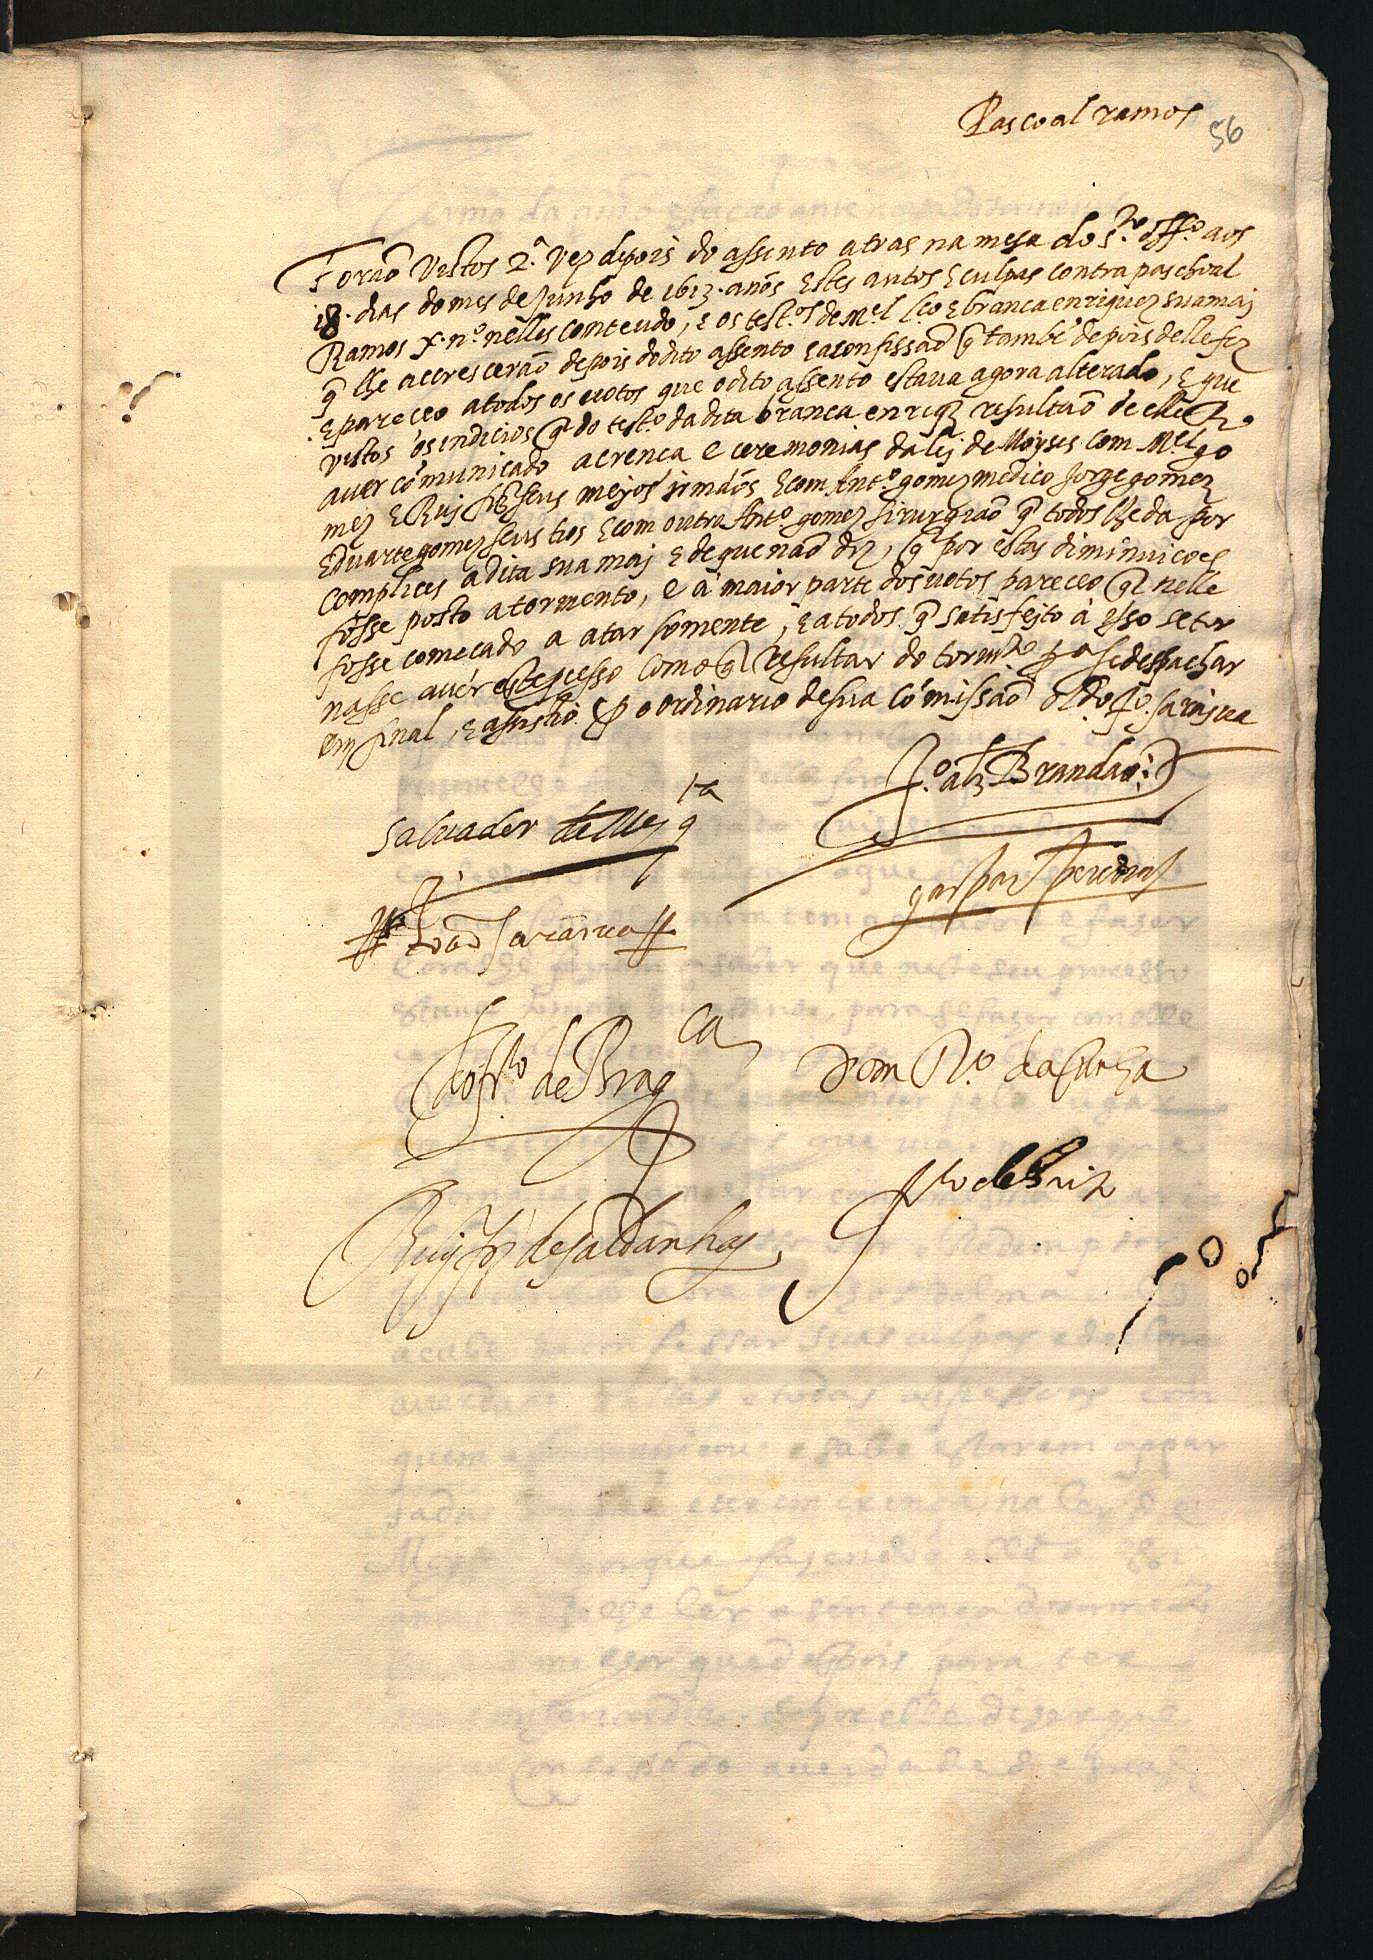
Pascoal ramos
Forão vistos 2.a vez depois do assunto atras na mesa do s.to off.o aos
18 dias do mes de Junho de 1613 anōs Estes autos E culpas contra paschoal
Ramos x. n.o nelles conteudo, E os test.os de Mel L.ço E branca enriquez sua maj
q̄ lhe accrescerão depois do dito assento E a confissão q̄ tambē depois delle fez
E pareceo a todos os uotos que o dito assento estaua agora alterado, E que
vistos os indicios que do test.o da dita branca enriq̄z resultaõ de elle Reo
auer cōmunicado a crença e ceremonias da lej de Moyses com Mel go
mez E Ruj frz̄ seus meyos irmaõs E com Ant.o gomez medico Jorge gomez
E duarte gomez seus tios E com outro Ant.o gomez sirurgião q̄ todos lhe da por
complices a dita sua maj E de que não diz, q̄ por estas diminuiçoes
fosse posto a tormento, e a maior parte dos uotos pareceo q̄ nelle
fosse começado a atar somente, E a todos q̄ satisfeito à isso se tor
nasse auer este ꝓcesso como q̄ resultar de torm.to ꝑa se despachar
em sinal, E assistio p̄o ordinario de sua comissão o Ldo Jo. Sarajua
